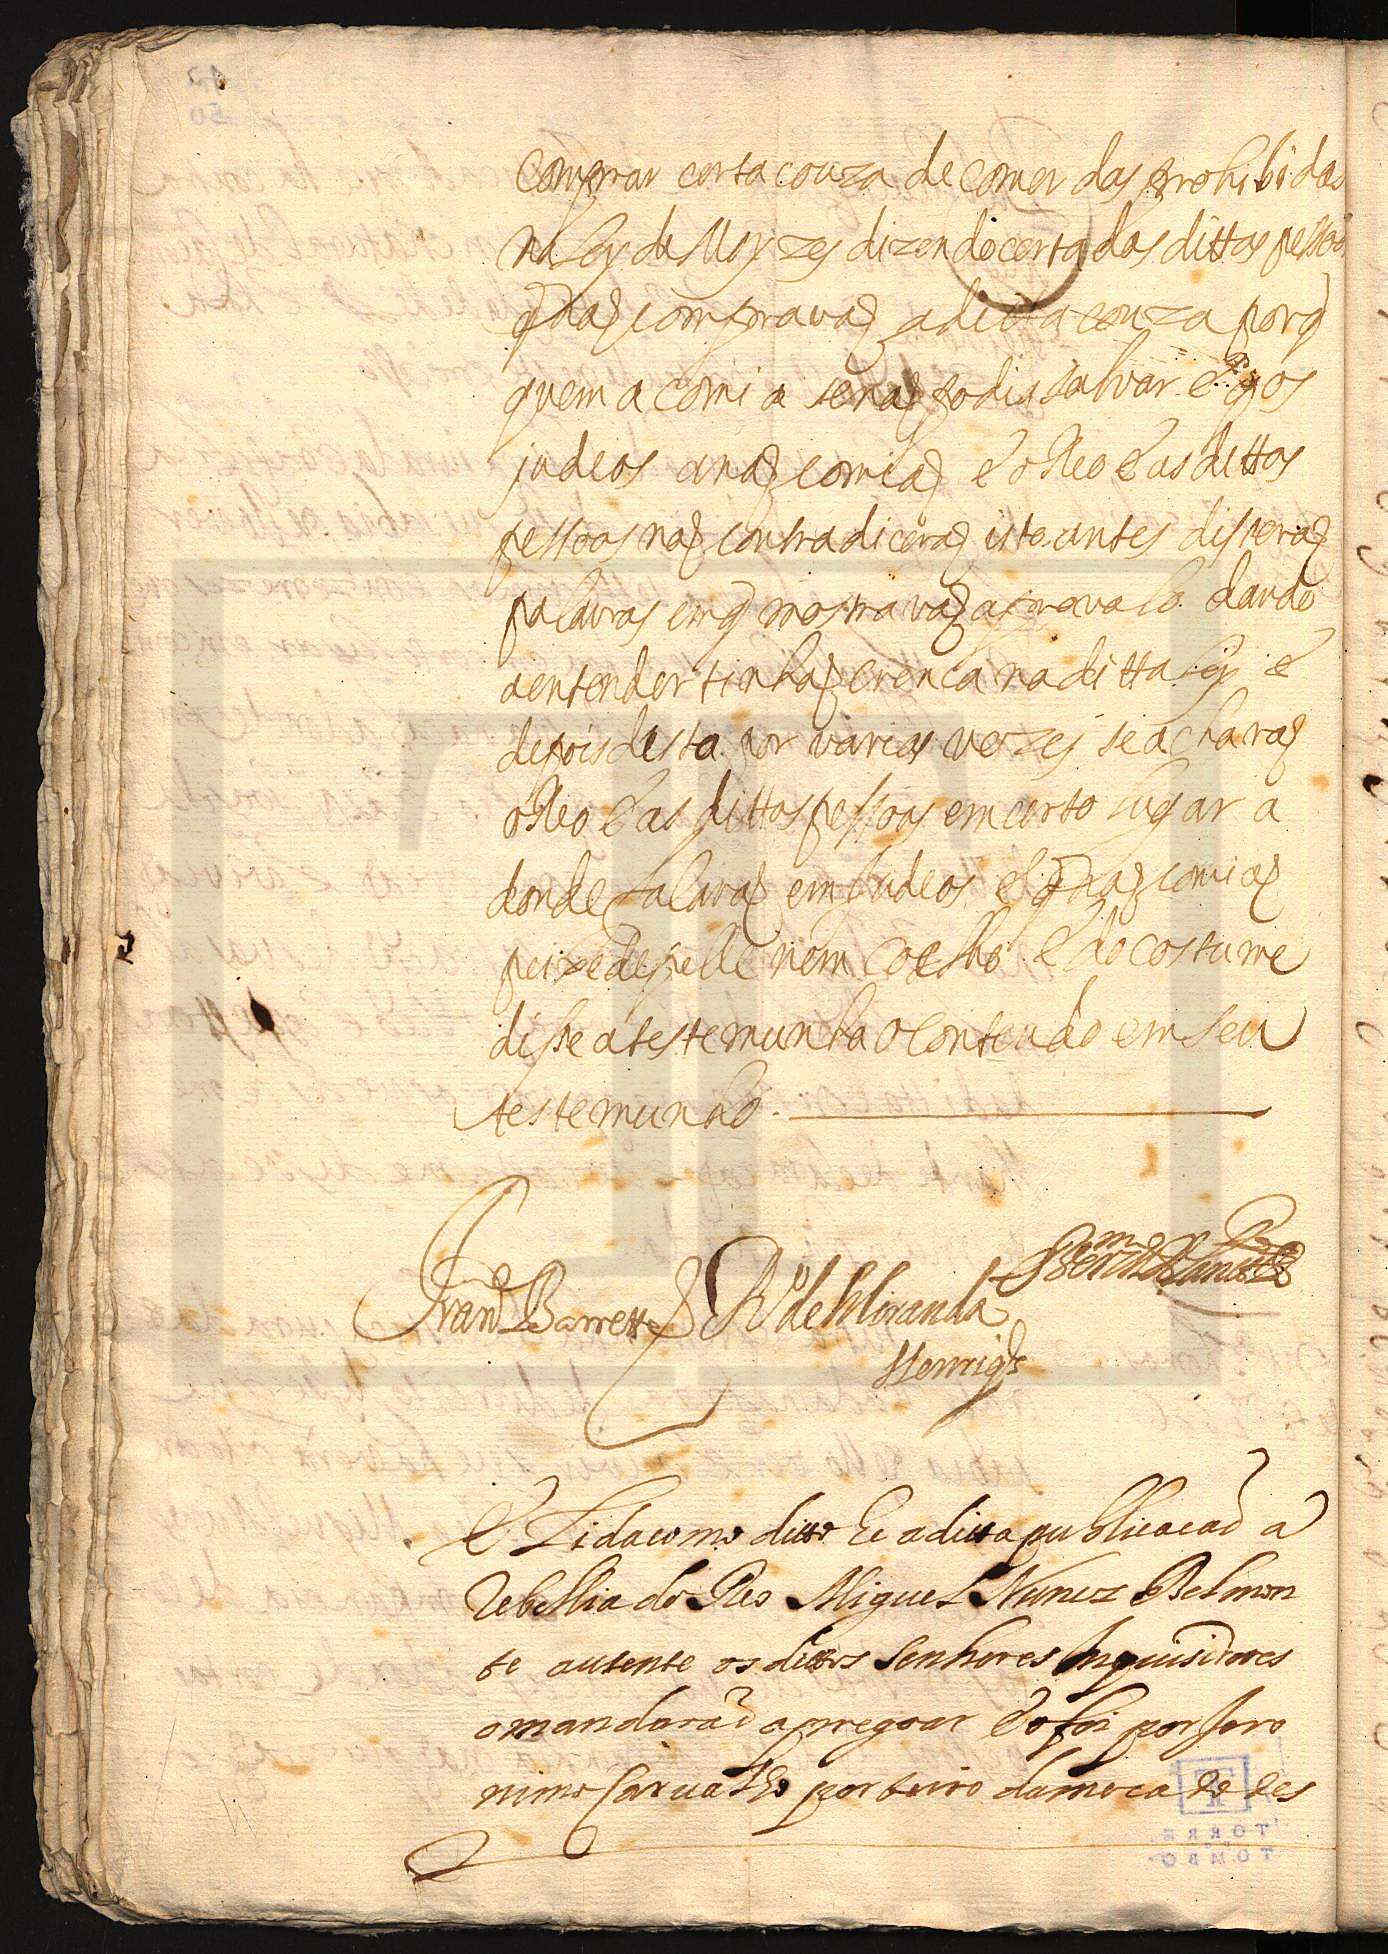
comprar certa couza de comer das prohibidas
na Ley de Moyzes dizendo certa das dittas pessoa
q̄ naõ compravaõ a ditta couza porq̄
quem a comia se naõ podia salvar e q̄ os
judeos a naõ comiaõ e o Reo e as dittas
pessoas naõ contradiceraõ isto antes disseraõ
palauras em q̄ mostravaõ aprovalo dando
a entender tinhaõ crença na ditta ley e
depois desta por varias vezes se acharaõ
o Reo e as dittas pessoas em certo lugar a
donde falavaõ em Judeos e q̄ naõ comiaõ
peixe de pelle nem coelho e do costume
disse a testemunha o conteudo em seu
testemunho.
Berthmo de Lanctre
Fran.co Barretto Ro de Miranda
Henriq̄s
E Lida como ditto he a ditta publicaçaõ a
Rebellia do Reo Miguel Nunez Belmon
te auzente os dittos Senhores Inquisidores
o mandaraõ apregoar e o foi por Jero
nimo Carualho porteiro da meza do des
